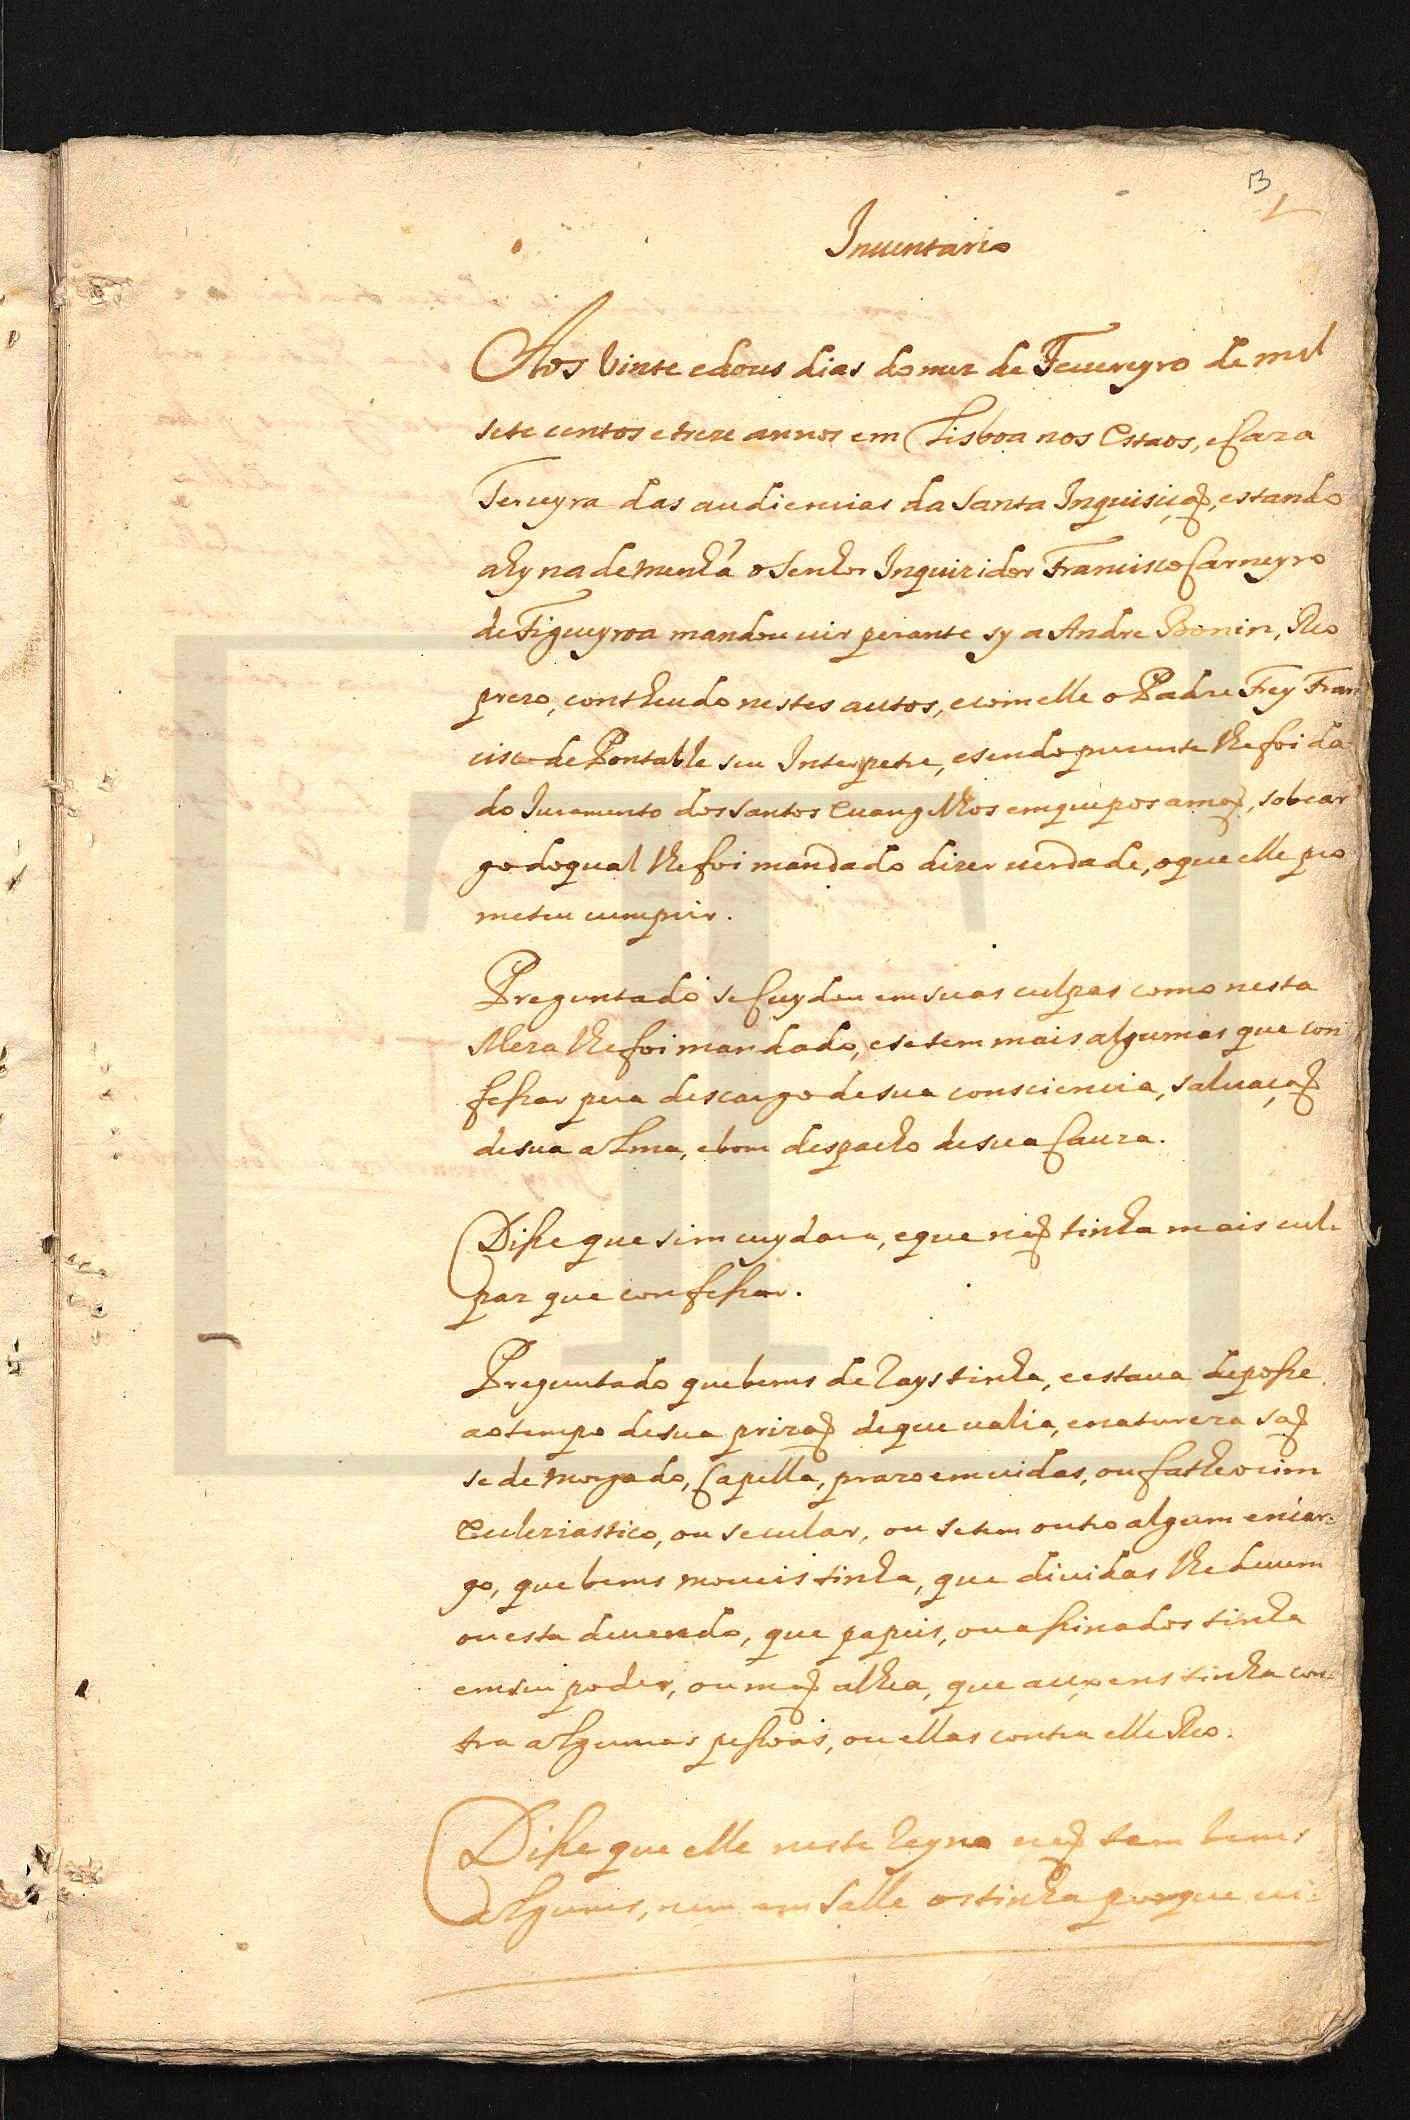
Inuentario
Aos vinte e dous dias do mez de Feuereyro de mil
setecentos e treze annos em Lisboa nos Estaos, e Caza
Terceyra das audiencias da Santa Inquisiçaõ, estando
ahy na de menhã o Senhor Inquizidor Francisco Carneyro
de Figueyroa mandou uir perante sy a Andre Bonin, Reo
prezo, contheudo nestes autos, e com elle o Padre Frey Fran
cisco de Pontable seu Interpetre, e sendo prezente lhe foi da
do Iuramento dos santos euangelhos em que pos a maõ, sob car
go do qual lhe foi mandado dizer uerdade, o que elle pro
meteu cumprir.
Preguntado se Cuydou em suas culpas como nesta
Meza lhe foi mandado, e se tem mais algumas que con
fessar pera descargo de sua consciencia, saluaçaõ
de sua alma, e bom despacho de sua Cauza.
Disse que sim cuydara, e que naõ tinha mais cul
pas que confessar.
Preguntado que bems de Rays tinha, e estaua de posse
ao tempo de sua prizaõ de que ualia, e natureza saõ
se de morgado, Capella, prazo em uidas, ou fatheosim
Eccleziastico, ou secular, ou se tem outro algum encar
go, que bems moueis tinha, que diuidas lhe deuem
ou esta deuendo, que papeis, ou assinados tinha
em seu poder, ou maõ alhea, que acçoens tinha con
tra algumas pessoas, ou ellas contra elle Reo.
Disse que elle neste Reyno naõ tem bems
algums, nem em salle os tinha porque ui
